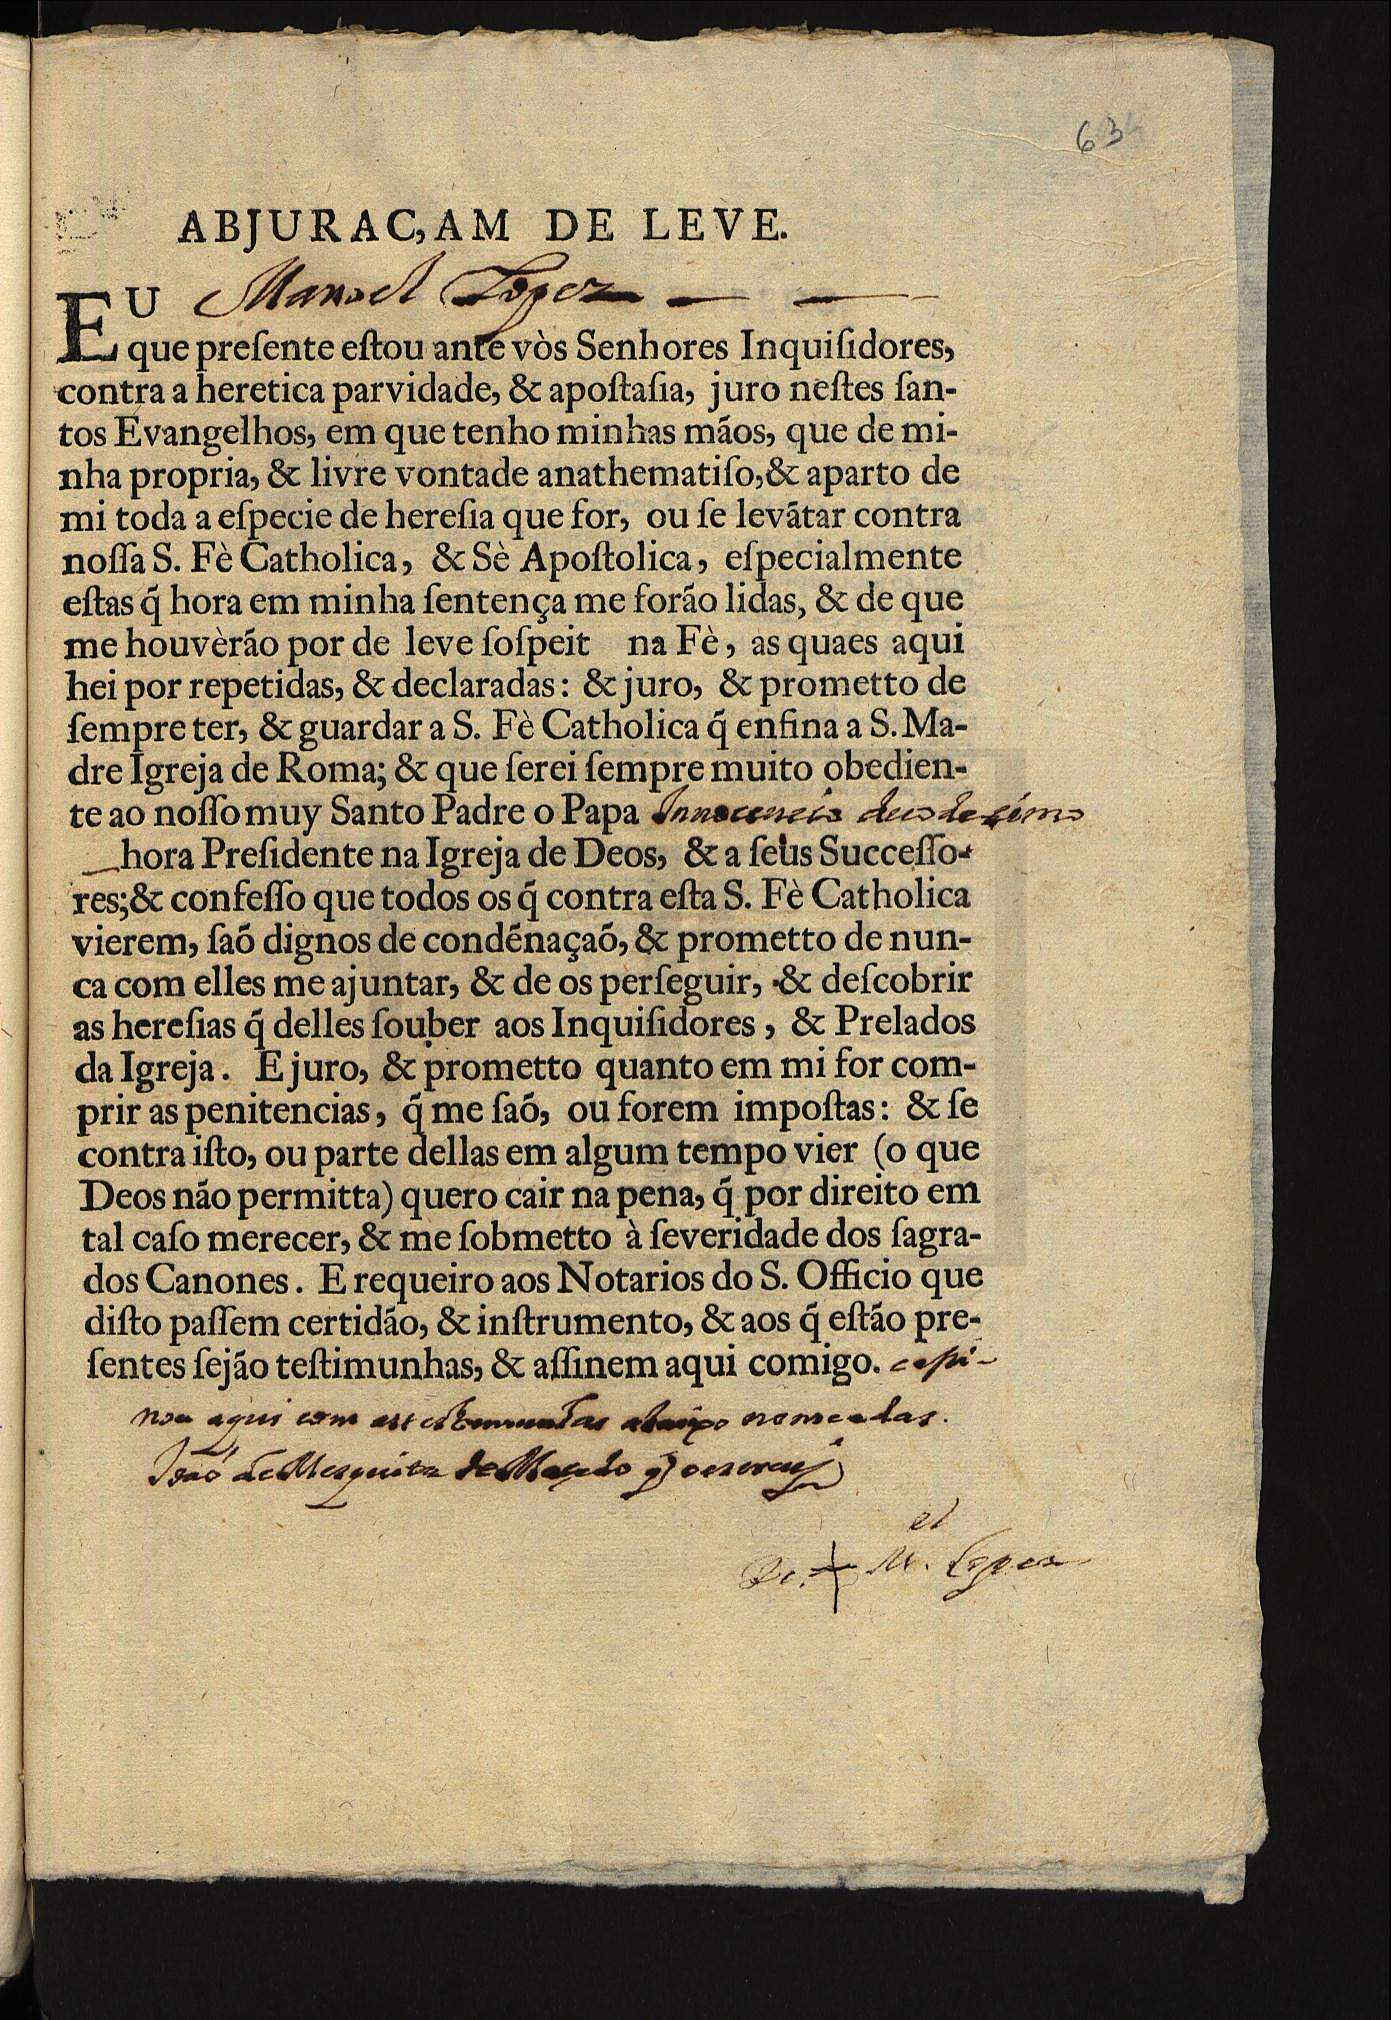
ABJURAÇAM DE LEVE.
EU Manoel Lopez
que presente estou ante vòs Senhores Inquisidores,
contra a heretica parvidade, & apostasia, juro nestes san
tos Evangelhos, em que tenho minhas mãos, que de mi
nha propria, & livre vontade anathematiso, & aparto de
mi toda a especie de heresia que for, ou se levātar contra
nossa S. Fè Catholica, & Sè Apostolica, especialmente
estas q̄ hora em minha sentença me forão lidas, & de que
me houverão por de leve sospeit na Fè, as quaes aqui
hei por repetidas, & declaradas: & juro, & prometto de
sempre ter, & guardar a S. Fè Catholica q̄ ensina a S. Ma
dre Igreja de Roma; & que serei sempre muito obedien
te ao nosso muy Santo Padre o Papa Innocencio duodecimo
hora Presidente na Igreja de Deos, & a seus Successo
res; & confesso que todos os q̄ contra esta S. Fè Catholica
vierem, saõ dignos de condēnaçaõ, & prometto de nun
ca com elles me ajuntar, & de os perseguir, & descobrir
as heresias q̄ delles souber aos Inquisidores, & Prelados
da Igreja. E juro, & prometto quanto em mi for com
prir as penitencias, q̄ me saõ, ou forem impostas: & se
contra isto, ou parte dellas em algum tempo vier (o que
Deos não permitta) quero cair na pena, q̄ por direito em
tal caso merecer, & me sobmetto à severidade dos sagra
dos Canones. E requeiro aos Notarios do S. Officio que
disto passem certidão, & instrumento, & aos q̄ estão pre
sentes sejão testimunhas, & assinem aqui comigo. e assi
nou aqui com as testemunhas abaixo nomeadas.
Ioaõ de Mesquita de Maçedo q̄ o escreuj
